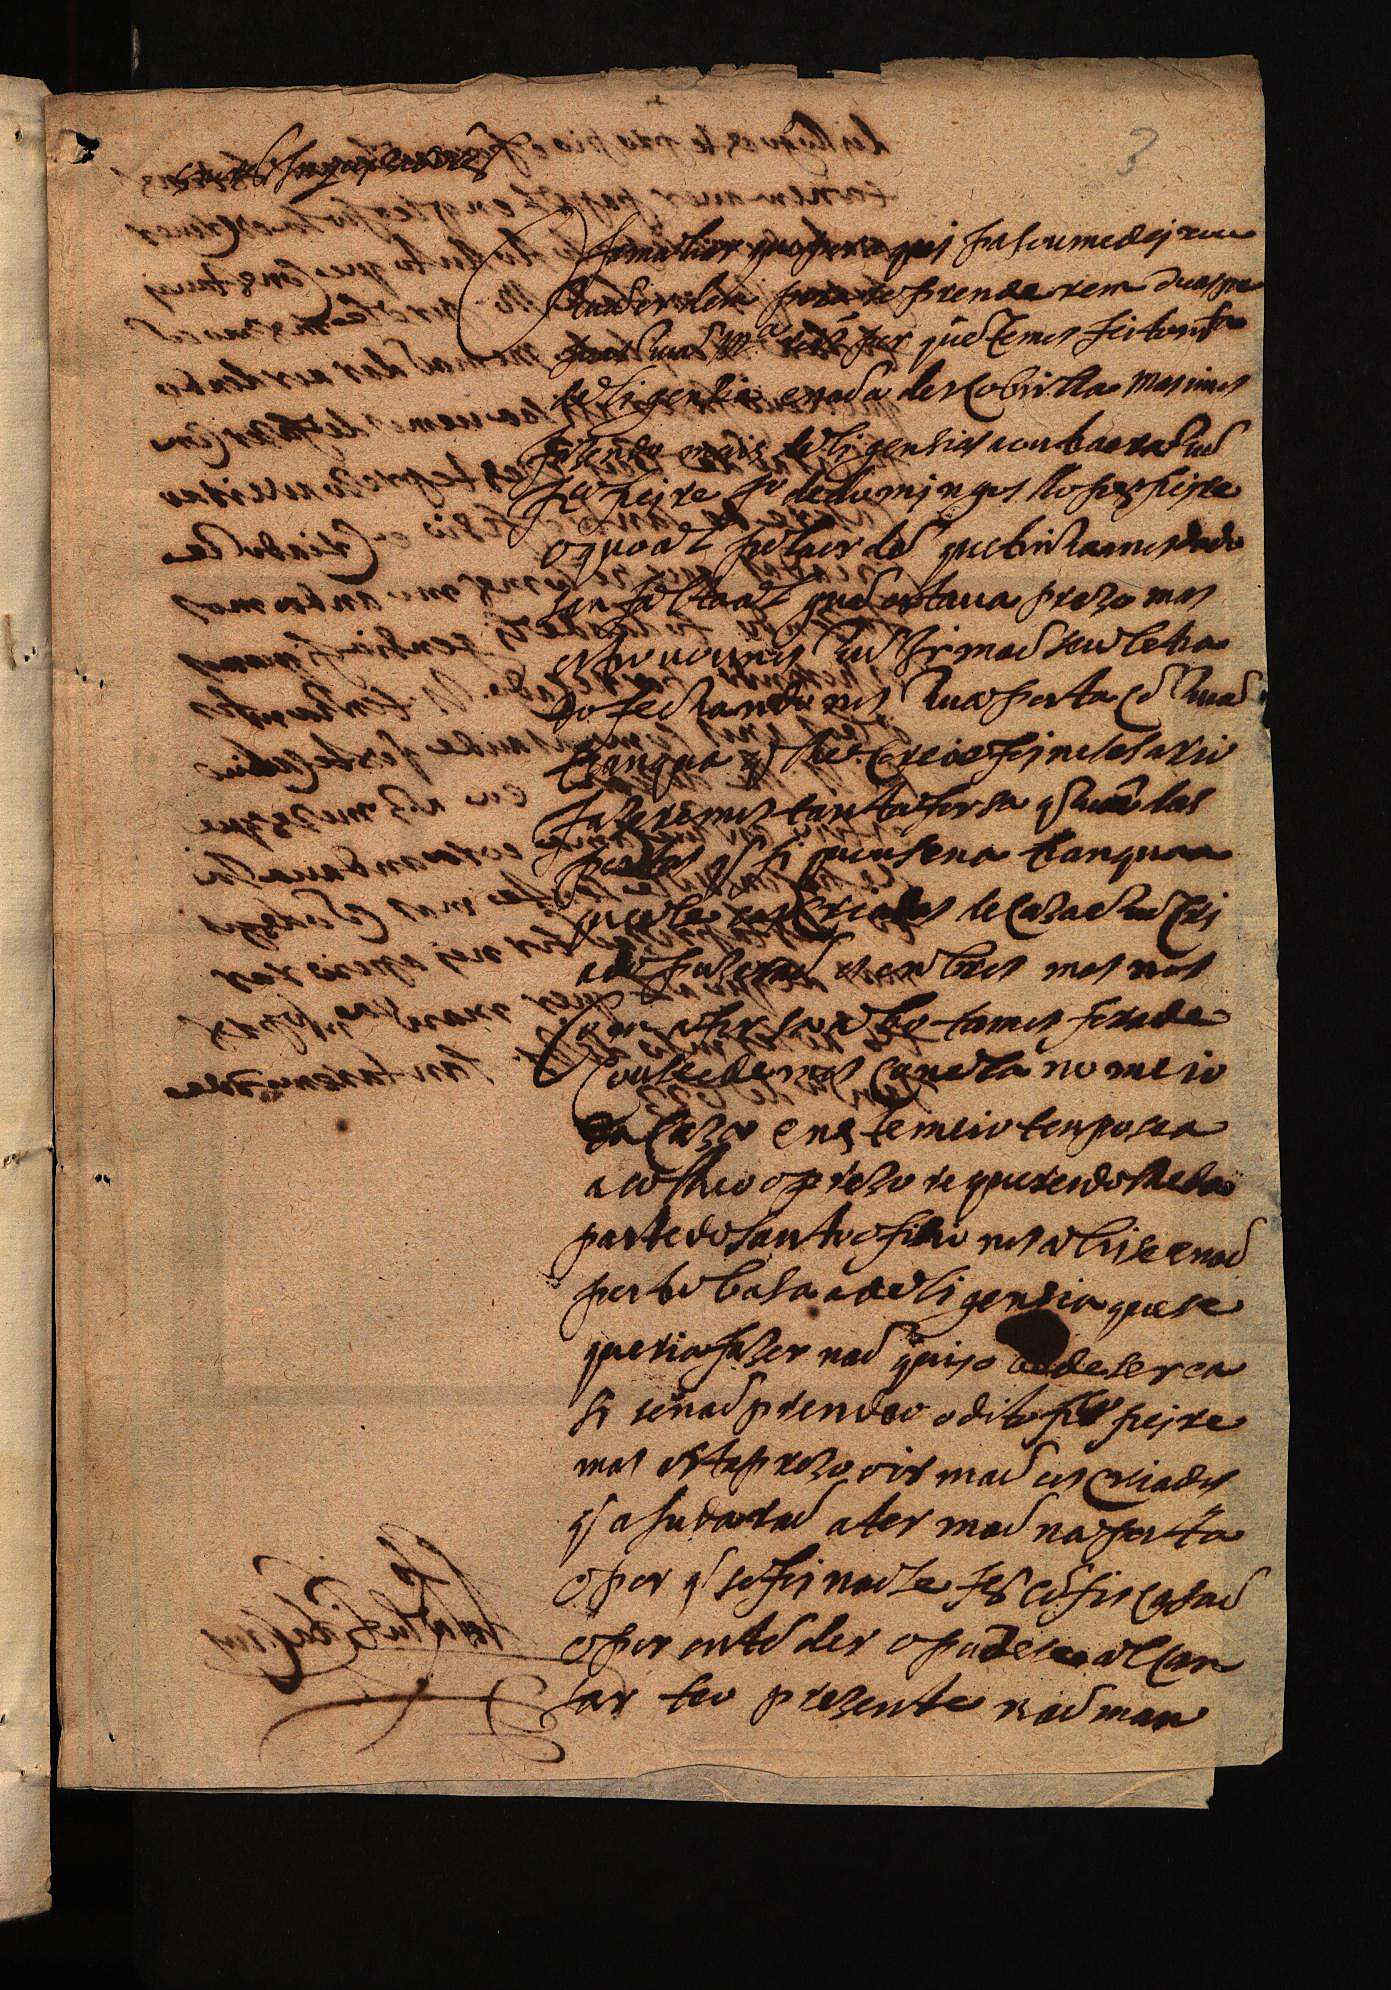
snores̄ Inqujzidores
O famaliar que por aquj pasou me dejxou
huā ordem para se prenderem duas pe
soas huā m.a roiz̄ por qūe temos feito mta
deligensia e naõ a desCobri lla mas imos
fazendo mais deligensias a outra era hū
frco frejre fo de domjngos llopes frejre
o quoaL pela ordē que tinhamos dado
sen falta alguā estaua prezo mas
estrouounos hū Jrmaõ seu letra
do fechando nos hua porta Cō huā
tranqua q̄ lhe Coreo e foj nesesario
fazeremos tanta forsa q̄ huā das
portas q̄ fiquou sen a tranquaa
que ele e as Criadas de Caza e hū Cri
ado puzeraõ os onbros mas nos
Com a forsa a botamos fora do
Couse e demos Con ela no meio
da Caza e neste meio tenpo se a
acolheo o prezo requerendolhe da
parte do santo ofisio nos abrise e naõ
pertubasa a deligensia que se
queria fazer naõ quis obedeser e a
si se naõ prendeo o dito frco frejre
mas esta prezo o irmaõ e os Criados
q̄ aJudaraõ a ter maõ na porta
e porq̄ se foi naõ se fes cōfisCasaõ
e por entēder o pudeseo alCan
sar te o prezente naõ man
